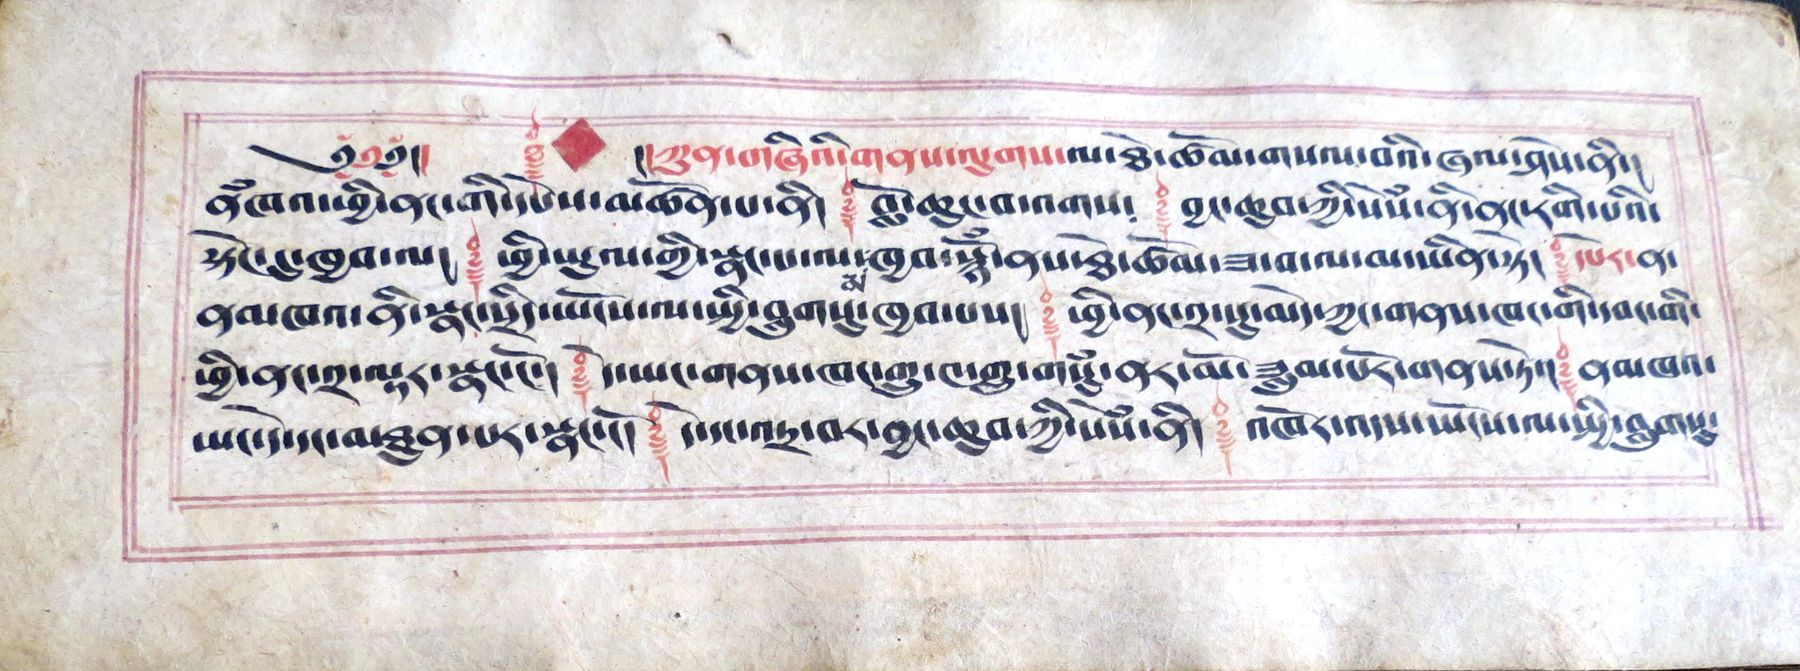ཀུན་གཞིའི་གནས་ལུགས་ལ་ཐེ་ཚོམ་བསལ་བའི་ཞལ་ཤེས་ནི། 
ནམ་མཁའ་ཕྱི་ནང་གི་དཔེས་མཚོན་པ་ནི། བློ་ཆུང་བ་འགས་བྱང་ཆུབ་ཀྱི་སེམས་ནི། ནང་རིག་པའི་
སྟེང་དུ་ཁྱབ་ལ། ཕྱི་ཡུལ་གྱི་སྣང་བ་ལ་མ་ཁྱབ་བམ། སྙམ་ནས་ཐེ་ཚོམ་ཟ་བ་ལ། དཔེར་ན་
ནམ་མཁའ་ནི་སྣང་སྲིད་ཡོངས་ལ་སྤྱི་བླུགས་སུ་ཁྱབ་པས། ཕྱི་ནང་གཉིས་སུ་མེད་ཀྱང་། གནས་ཁང་གི་དབང་གི་
ཕྱི་ནང་གཉིས་ལྟར་སྣང་ངོ་། དེ་ཡང་གནས་ཁང་གྲུ་བཞི་གྲུ་གསུམ་ནར་མོ་ཟླུམ་པོར་གནས་ན། ནམ་མཁའ་
ཡང་དེ་དང་མཐུན་པར་གནས་སོ། ། དེ་དང་འདྲ་བར་བྱང་ཆུབ་ཀྱི་སེམས་ནི། འཁོར་འདས་ཡོངས་ལ་སྤྱི་བླུགས་སུ་